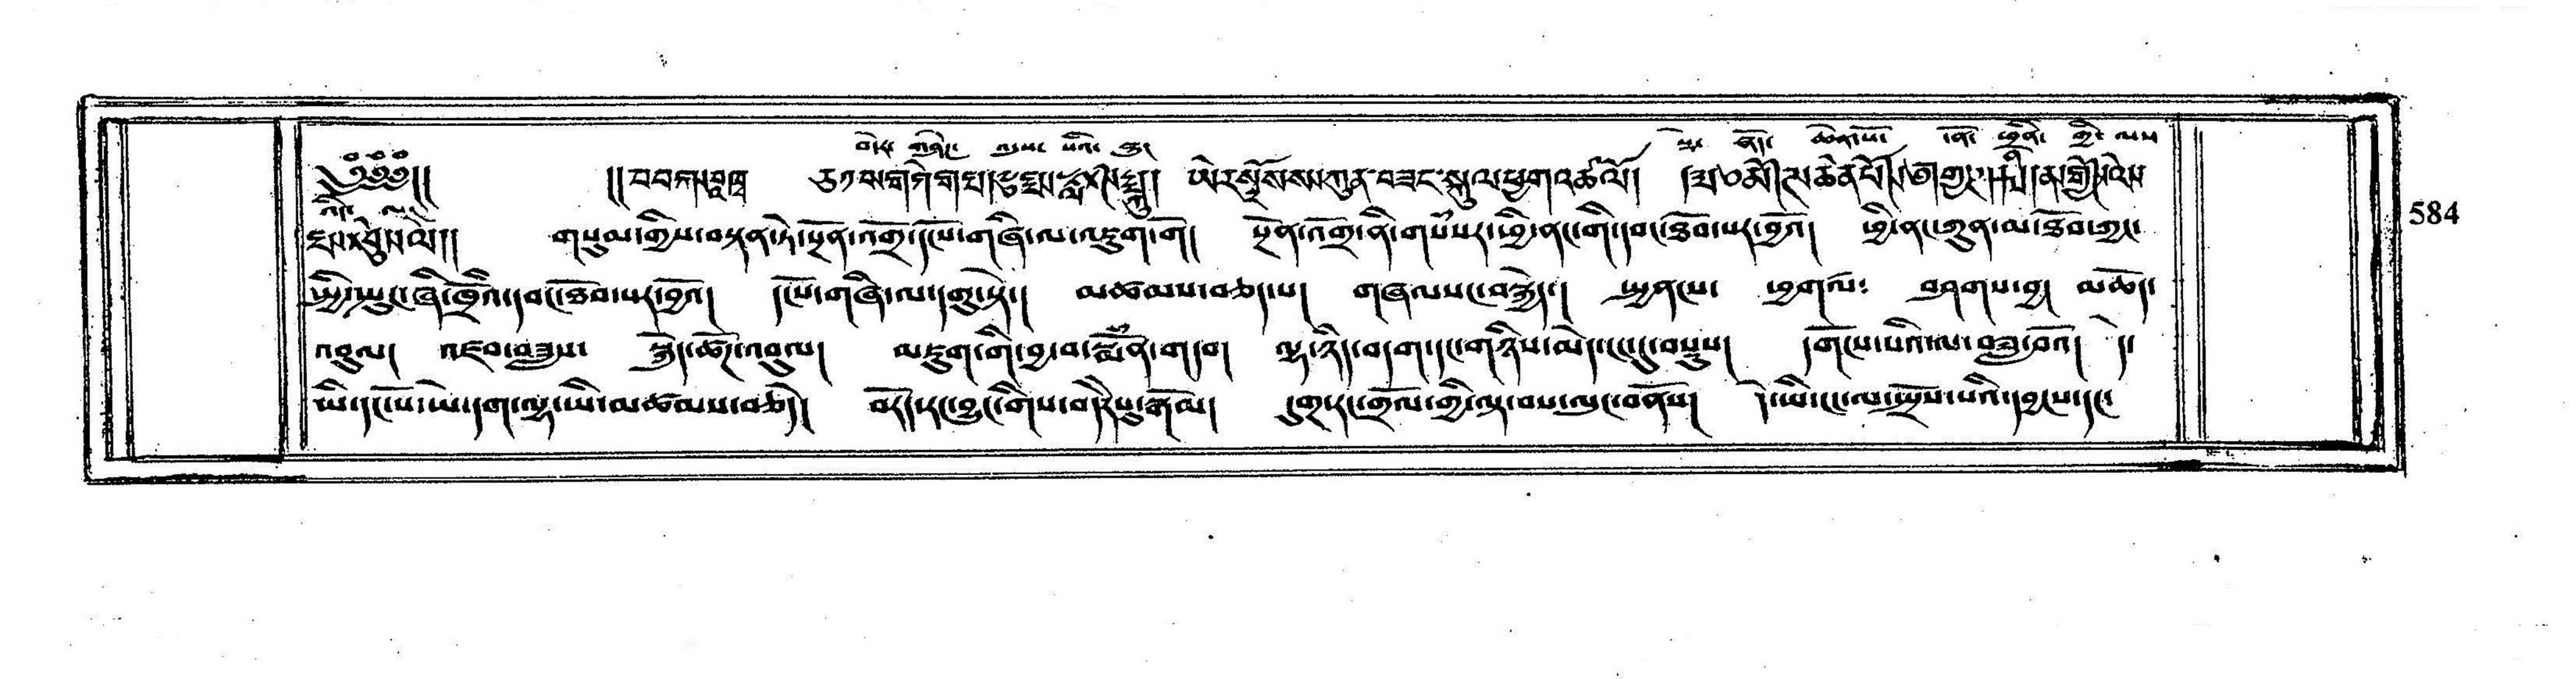༄༅༅།། །།༼གཏེར་ཡིག་ཡོད། བདེར་གཤེགས་འདུས་པའི་སྐུ།༽ ཡེ་རྫོགས་ཀུན་བཟང་སྐུ་ལ་ཕྱག་འཚལ་ལོ། ༼གཏེར་ཡིག། སྡེ་སྣོད་ཆེན་པོ་དོན་ཕྲིན་གྱི་ལས་
འདི་ལ།༽ གསུམ་གྱིས་བསྟན་ཏེ་སྔོན་འགྲོ་དངོས་གཞི་ལ་འཇུག་གོ། སྔོན་འགྲོ་ནི་གསས་མཁར་ཕྱི་ནང་གི་དབང་ཐོབ་པར་བྱའོ། ཕྱི་ནང་ཀུན་མ་ཐོབ་ཀྱང་
སྤྱི་སྤུང་ཞི་ཁྲོའི་དབང་ཐོབ་པར་བྱའོ། དངོས་གཞི་ལ་དགུ་སྟེ། མཚམས་བཅད་པ། གཞལ་ཡས་ཁང་བསྐྱེད། སྤྱན་དྲངས་ཕྱག་འཚལ༴ བཤགས་བྱ། མཆོད་
འབུལ། འཛབ་བཟླས་སྐུ་བསྟོད་ཚོགས་འབུལ། མཇུག་གི་བྱ་བ་སྨོན་ལམ་གདབ། ལྷ་ཉིད་བདག་དང་གཉིས་མེད་ངང་དུ་བསྡུས། དགོངས་པའི་ལ་བཟླ་བའོ། དེ་
ཡི་དང་པོ་ཡེ་དག་ལྷ་ཡི་མཚམས་བཅད་དེ། བར་ཆོད་རང་བྱུང་གིས་བདེར་གཤེགས་སུ་སྒོམ། དུག་ལྔ་གྲོལ་གྱི་ལྟ་བས་ལུང་བནོས། དེ་ཡི་ངང་ལ་སྤྲོས་པའི་དབྱངས་དང་